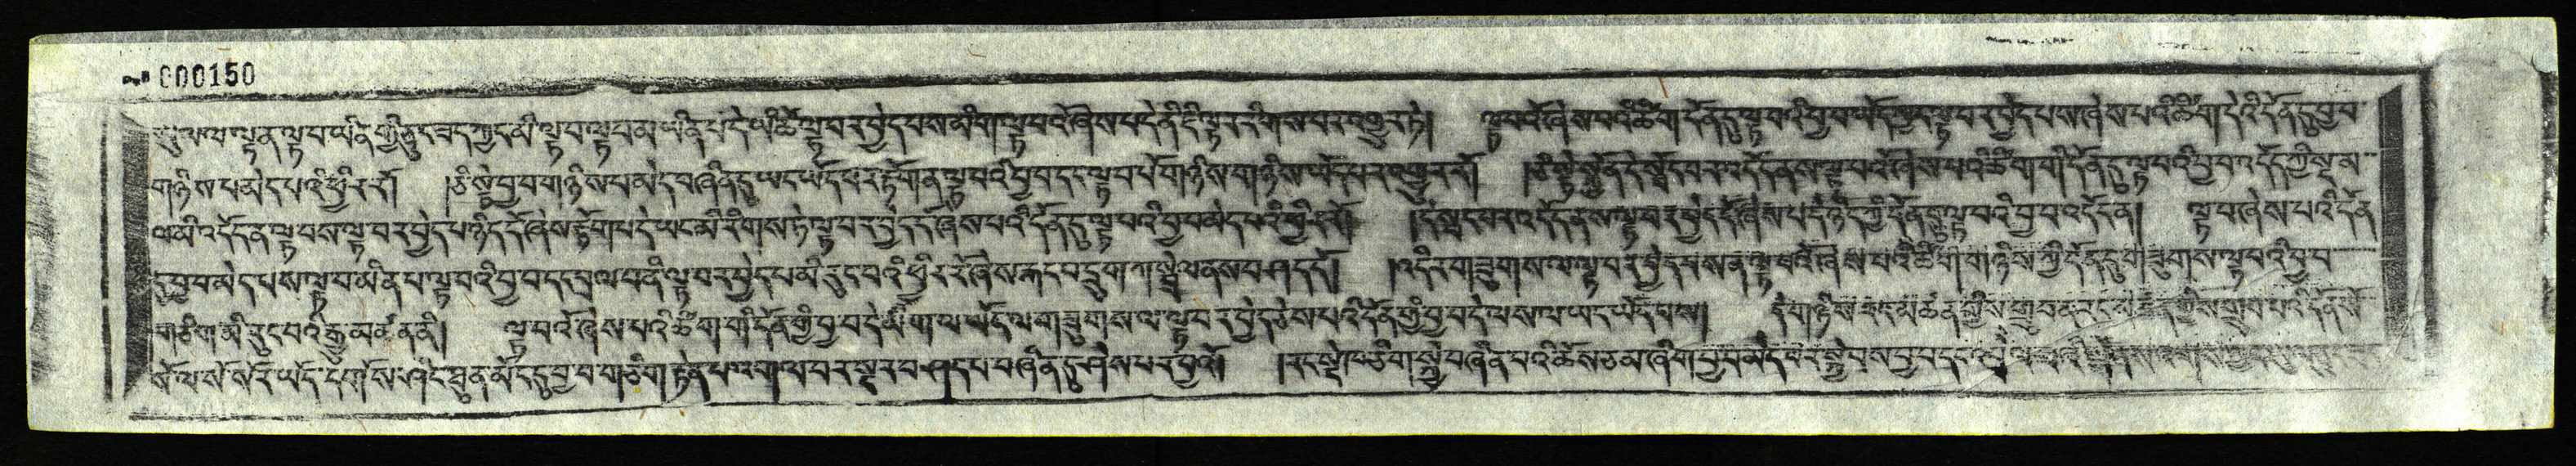ཡུལ་ལ་ལྟ་ན་ལྟ་བ་ཡིན་གྱི་ཅུང་ཟད་ཀྱང་མི་ལྟ་བ་ལྟ་བ་མ་ཡིན་པ་དེ་ཡི་ཚེ་ལྟ་བར་བྱེད་པས་མིག་ལྟ་བའོ་ཞེས་པ་དེ་ནི་ཇི་ལྟར་རིགས་པར་འགྱུར་ཏེ། ལྟ་བའོ་ཞེས་པའི་ཚིག་དོན་དུ་ལྟ་བའི་བྱ་བ་ཡོད་ཀྱང་ལྟ་བར་བྱེད་པས་ཞེས་པའི་ཚིག་དེའི་དོན་དུ་བྱ་བ་
གཉིས་པ་མེད་པའི་ཕྱིར་རོ། །ཅི་སྟེ་བྱ་བ་གཉིས་པ་མེད་བཞིན་དུ་ཡང་ཡོད་པར་རྟོག་ན་ལྟ་བའི་བྱ་བ་དང་ལྟ་བ་པོ་གཉིས་གཉིས་ཡོད་པར་འགྱུར་རོ། །ཅི་སྟེ་སྐྱོན་དེ་སྤོང་བར་འདོད་ནས་ལྟ་བའོ་ཞེས་པའི་ཚིག་གི་དོན་དུ་ལྟ་བའི་བྱ་བ་འདོད་ཀྱི་སྔ་མ་
ལ་མི་འདོད་ན་ལྟ་བས་ལྟ་བར་བྱེད་པ་ཉིད་དོ་ཞེས་རྟོག་པ་དེ་ཡང་མི་རིགས་ཏེ་ལྟ་བར་བྱེད་དོ་ཞེས་པའི་དོན་དུ་ལྟ་བའི་བྱ་བ་མེད་པའི་ཕྱིར་རོ། །དེ་སྤང་པར་འདོད་ནས་ལྟ་བར་བྱེད་དོ་ཞེས་པ་དེ་ཉིད་ཀྱི་དོན་དུ་ལྟ་བའི་བྱ་བ་འདོད་ན། ལྟ་བ་ཞེས་པའི་དོན་
དུ་བྱ་བ་མེད་པས་ལྟ་བ་མིན་པ་ལྟ་བའི་བྱ་བ་དང་བྲལ་བ་ནི་ལྟ་བར་བྱེད་པ་མི་རུང་བའི་ཕྱིར་རོ་ཞེས་རྐང་པ་དྲུག་ཀ་སྤྲེལ་ནས་བཤད་དོ། །འདིར་གཟུགས་ལ་ལྟ་བར་བྱེད་པས་ན་ལྟ་བའོ་ཞེས་པའི་ཚིག་གཉིས་ཀྱི་དོན་དུ་གཟུགས་ལྟ་བའི་བྱ་བ་
གཅིག་མི་རུང་བའི་རྒྱུ་མཚན་ནི། ལྟ་བའོ་ཞེས་པའི་ཚིག་གི་དོན་གྱི་བྱ་བ་དེ་མིག་ལ་ཡོད་ལ་གཟུགས་ལ་ལྟ་བར་བྱེད་ཅེས་པའི་དོན་གྱི་བྱ་བ་དེ་ལས་ལ་ཡང་ཡོད་པས། དེ་གཉིས་རང་མཚན་གྱིས་གྲུབ་ན་རང་མཚན་གྱིས་གྲུབ་པའི་དོན་སོ་
སོ་ལ་སོ་སོར་ཡོད་དགོས་ཤིང་ཐུན་མོང་དུ་བྱ་བ་གཅིག་རྟེན་པ་འགལ་བར་སྔར་བཤད་པ་བཞིན་དུ་ཤེས་པར་བྱའོ། །རང་སྡེ་ཁ་ཅིག་སྐྱེ་བཞིན་པའི་ཆོས་ཙམ་ཞིག་བྱ་བ་མེད་པར་སྐྱེ་བས་བྱ་བ་དང་འབྲེལ་བའི་སྒོ་ནས་འགས་ཀྱང་ཡུལ་ཅུང་ཟད་